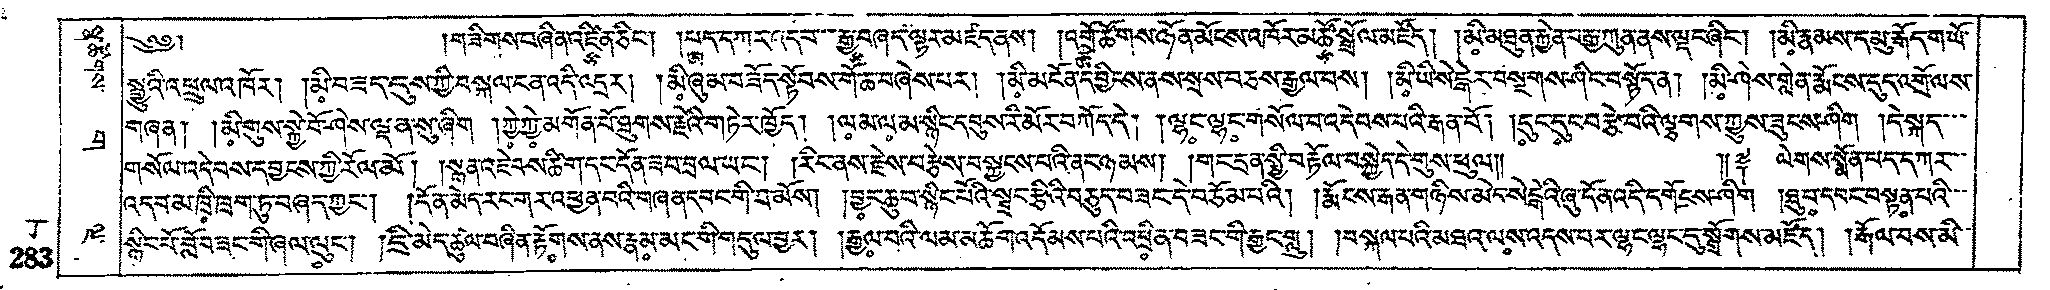༄༅། །གཟིགས་བཞིན་འཛིན་ཅིང་། །པད་དཀར་འདབ་་་རྒྱ་བཞད་ལྟར་མཛད་ནས། །འགྲོ་ཚོགས་ཉོན་མོངས་འཁོར་མཚོ་སྒྲོལ་མཛོད། །མི྾་མཐུན་རྐྱེན་བརྒྱ་ཀུན་ནས་ལྡང་ཞིང་། །མི྾་རྣམས་དམུ་རྒོད་གཡོ་
སྒྱུའི་འཕྲུལ་འཁོར། །མི྾་བཟད་དུས་ཀྱི་བསྐལ་ངན་འདི་འདྲར། །མི྾་ཞུམ་བཟོད་སྟོབས་གོ་ཆ་བཞེས་པར། །མི྾་མངོན་དབྱིངས་ནས་སྲས་བཅས་རྒྱལ་བས། །མི྾་ཡི་སེངྒེར་བསྔགས་ཤིང་བསྟོད་ན། །མི྾་ཤེས་གླེན་རྨོངས་དུད་འགྲོ་ལས་
གཞན། །མི྾་གུས་སྐྱེ་བོ་ཤེས་ལྡན་སུ་ཞིག །སྐྱེ྾་ཀྱེ྾་མགོན་པོ་ཐུགས་རྗེའི་གཏེར་ཁྱོད། །ལམ྾་ལམ྾་སྙིང་དབུས་རི་མོར་བཀོད་དེ། །ལྷང྾་ལྷང྾་གསོལ་བ་འདེབས་པའི་རྒན་པོ། །དུང྾་དུང྾་བརྩེ་བའི་ལྕགས་ཀྱུས་ཟུངས་ཤིག །དེ་སྐད་་་
གསོལ་འདེབས་དབྱངས་ཀྱི་རོལ་མོ། །སྙན་འཇེབས་ཚིག་དང་དོན་ཟབ་བྲལ་ཡང་། །རིང་ནས་རྗེས་བརྩེས་བསྐྱངས་པའི་ནང་ཉམས། །གང་དྲན་སྤྱི་བརྟོལ་བསྐྱེད་དེ་གུས་ཕུལ།། །། འ་ལེགས་སྨོན་པད་དཀར་་་
འདབ་མ་ཁྲི྾་ཁྲག་ཏུ་བཞད་ཀྱང་། །དོན་མེད་རང་གར་འཕྱན་པའི་གཞན་དབང་གི་བ་མོས། །བྱང྾་ཆུབ་སྙིང་པོའི་སྦྲང་རྩིའི་བཅུད་བཟང་དེ་བཅོམ་པའི། །རྨོངས་རྒན་གཉིས་མེད་སེངྒེའི་ཞུ་དོན་འདི་དགོངས་ཤིག །ཐུབ྾་དབང་བསྟན྾་པའི་་་
སྙིང་པོ་བློ་བཟང་གི་ཞལ་ལུང྾། །དྲི་མེད་ཚུལ་བཞིན་རྟོགས྾་ནས་རྣམ྾་མང་གི་གདུལ་བྱར། །རྒྱལ྾་བའི་ལམ་མཆོག་འདོམས་པའི་འཕྲིན྾་བཟང་གི་རྒྱང་གླུ། །བསྐལ་པའི་མཐའ་ལས྾་འདས་པར་ལྷང་ལྷང་དུ་སྒྲོགས་མཛོད། །རྒོལ་བས་མི་་་